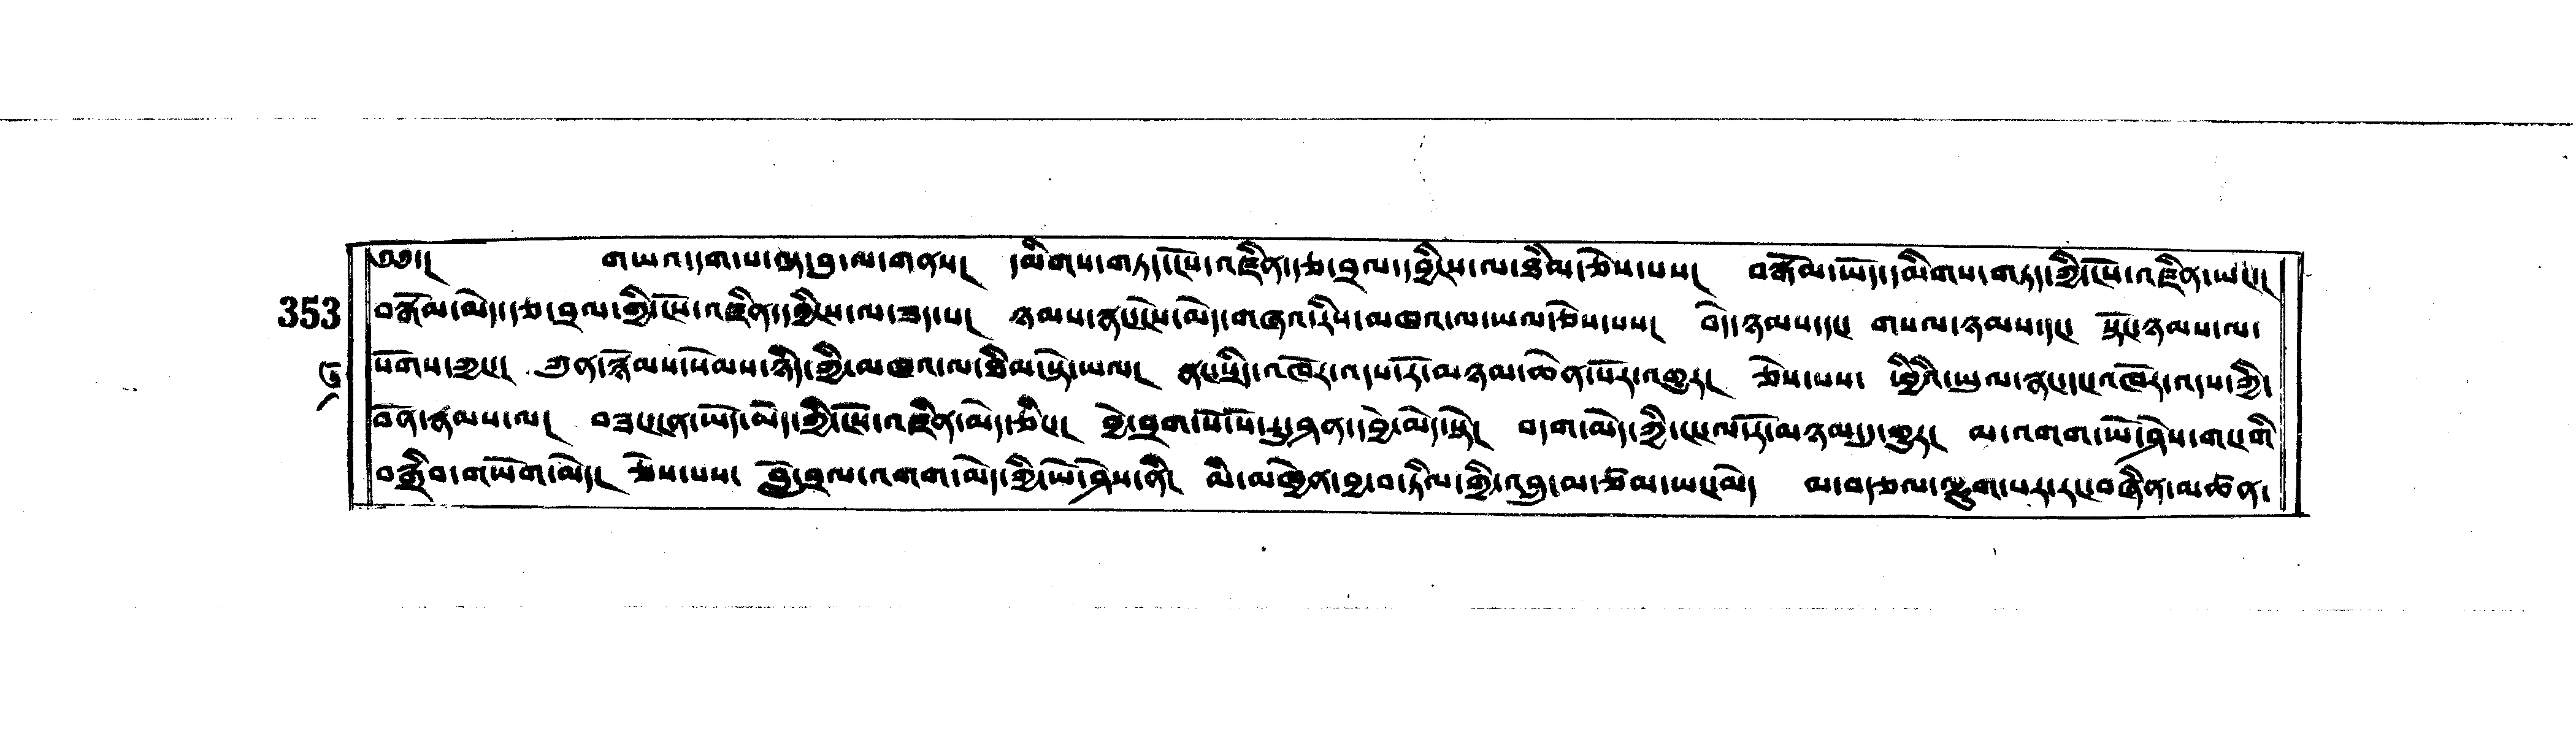གཡའ་དག་པ་ལྟ་བུ་ལ་གནས། དམིགས་གཏད་ངོས་འཛིན་རྩ་བྲལ་དབྱིངས་ལ་ཐིམ། ཅེས་པས། སྒོམ་ཡོད་དམིགས་གཏད་ཀྱི་ངོས་འཛིན་ཡང་། 
སྒོམ་མེད་རྩ་བྲལ་གྱི་ངོས་འཛིན་དབྱིངས་ལ་ཟད་པ། ཉམས་སྣང་ངེས་མེད་གཞའ་རིས་མཁའ་ལ་ཡལ། ཅེས་པས། བདེ་ཉམས་དང་གསལ་ཉམས་དང་སྟོང་ཉམས་ལ་
སོགས་ཀྱང་། ཀུན་སྙོམས་སེམས་ཉིད་ཀྱི་མཁའ་ལ་ཐིམ་སྟེ་ཡལ། སྣང་སྲིད་འཁོར་འདས་རོ་སྙོམས་ཆེན་པོར་གྱུར། ཅེས་པས། ཕྱི་ཡི་ཡུལ་སྣང་དང་འཁོར་འདས་ཀྱི་
བོན་རྣམས་ལ། བཟང་ངན་ཡོད་མེད་ཀྱི་ངོས་འཛིན་མེད་ཅིང་། བྱེ་བྲག་སོ་སོ་རུ་ཤན་དབྱེ་མེད་སྟེ། བདག་མེད་ཀྱི་ངང་ལ་རོ་མཉམ་དུ་གྱུར། མ་འགག་ཡེ་ཤེས་གང་གི་
སྒྲིབ་གཡོགས་མེད། ཅེས་པས། བློ་བྲལ་འགག་མེད་ཀྱི་ཡེ་ཤེས་ནི། མི་མཁྱེན་བྱ་བ་ཏིལ་གྱི་འབྲུ་མ་ཙམ་ཡང་མེད། མ་བརྩལ་ལྷུག་པར་རང་བཞིན་མཚན་